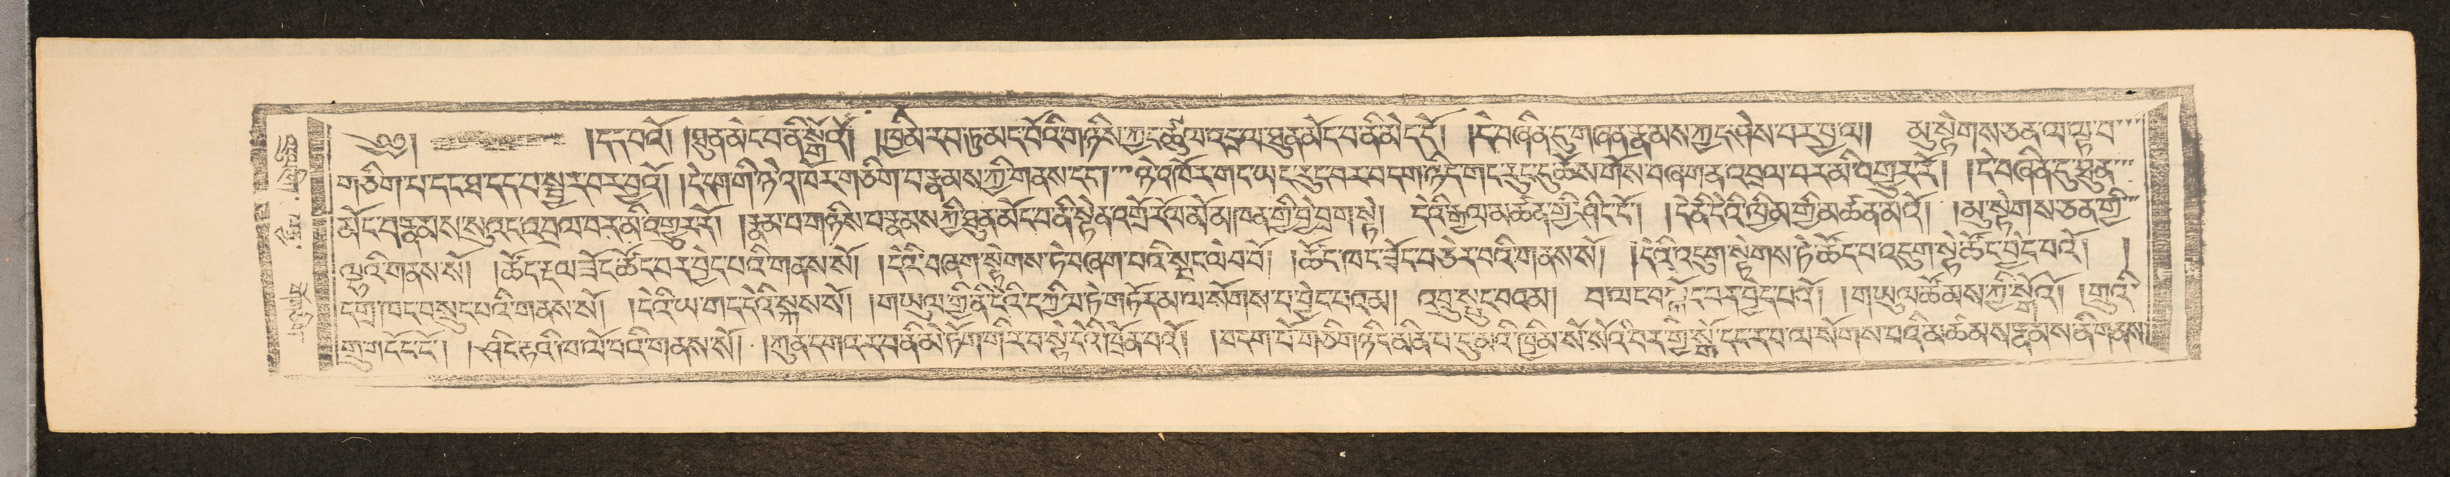༄༅། །དད་པའོ། །ཐུན་མོང་བ་ནི་སྒོའོ། །ཁྱིམ་རབ་ཏུ་མང་པོའི་གཉིས་ཀྱང་ཚུལ་འདྲ་ལ་ཐུན་མོང་བ་ནི་མེད་དོ། །དེ་བཞིན་དུ་གཞན་རྣམས་ཀྱང་ཤེས་པར་བྱ་ལ། མུ་སྟེགས་ཅན་ལ་ལྟ་བ་
གཅིག་པ་དང་ཐ་དད་པ་སྦྱར་བར་བྱའོ། །དེ་དག་གི་ཉེ་འཁོར་གཅིག་པ་རྣམས་ཀྱི་གནས་དང་། ཉེ་འཁོར་གང་ཡང་རུང་བར་བདག་ཉིད་གང་རུང་དུ་ཆོས་གོས་བཞག་ན་འབྲལ་བར་མི་འགྱུར་རོ། །དེ་བཞིན་དུ་ཐུན་
མོང་བ་རྣམས་སུའང་འབྲལ་བར་མི་འགྱུར་རོ། །རྣམ་པ་གཉིས་པ་རྣམས་ཀྱི་ཐུན་མོང་བ་ནི་སྟེན་འགྲོ་རོལ་མོ་མཁན་གྱི་བྱེ་བྲག་སྟེ། དེའི་རྒྱལ་མཚན་གྱི་ཤིང་ངོ། །དེ་ནི་དེའི་ཁྱིམ་གྱི་མཚན་མའོ། །མུ་སྟེགས་ཅན་གྱི་
ལྷའི་གནས་སོ། །ཚོང་རྡལ་ཟོང་ཚོང་བར་བྱེད་པའི་གནས་སོ། །དེའི་བཞག་སྟེགས་ཏེ་བཞག་པའི་སྤང་ལེབ་བོ། །ཚོང་ཁང་ཟོང་བཅེར་བའི་གནས་སོ། །དེའི་འདུག་སྟེགས་ཏེ་ཚོང་པ་འདུག་སྟེ་ཚོང་བྱེད་པའོ། །
དགྲ་ཁང་བསྲུང་བའི་གནས་སོ། །དེའི་ཡ་གད་དེའི་སྐས་སོ། །གཡུལ་གྱི་ནི་དེའི་དཀྱིལ་ཏེ་གཏོར་མ་ལ་སོགས་པ་བྱེད་པའམ། འབྲུ་སྤུང་བའམ། བ་ལང་བསྐོར་བར་བྱེད་པའོ། །གཡུལ་ཚོམས་ཀྱི་སྒོའོ། །གྲུའི་
གྲུ་གདོང་ངོ། །ཤིང་རྟའི་ཁ་ལོ་བའི་གནས་སོ། །ཀུན་དགའ་ར་བ་ནི་མེ་ཏོག་གི་ར་བ་སྟེ་དེའི་ཁྲོན་པའོ། །བདག་པོ་གཅིག་ཉིད་མིན་པ་དུ་མའི་ཁྱིམ་སོ་སོའི་བར་གྱི་སྒོ་དང་ར་བ་ལ་སོགས་པའི་མཚམས་རྣམས་ནི་གནས་